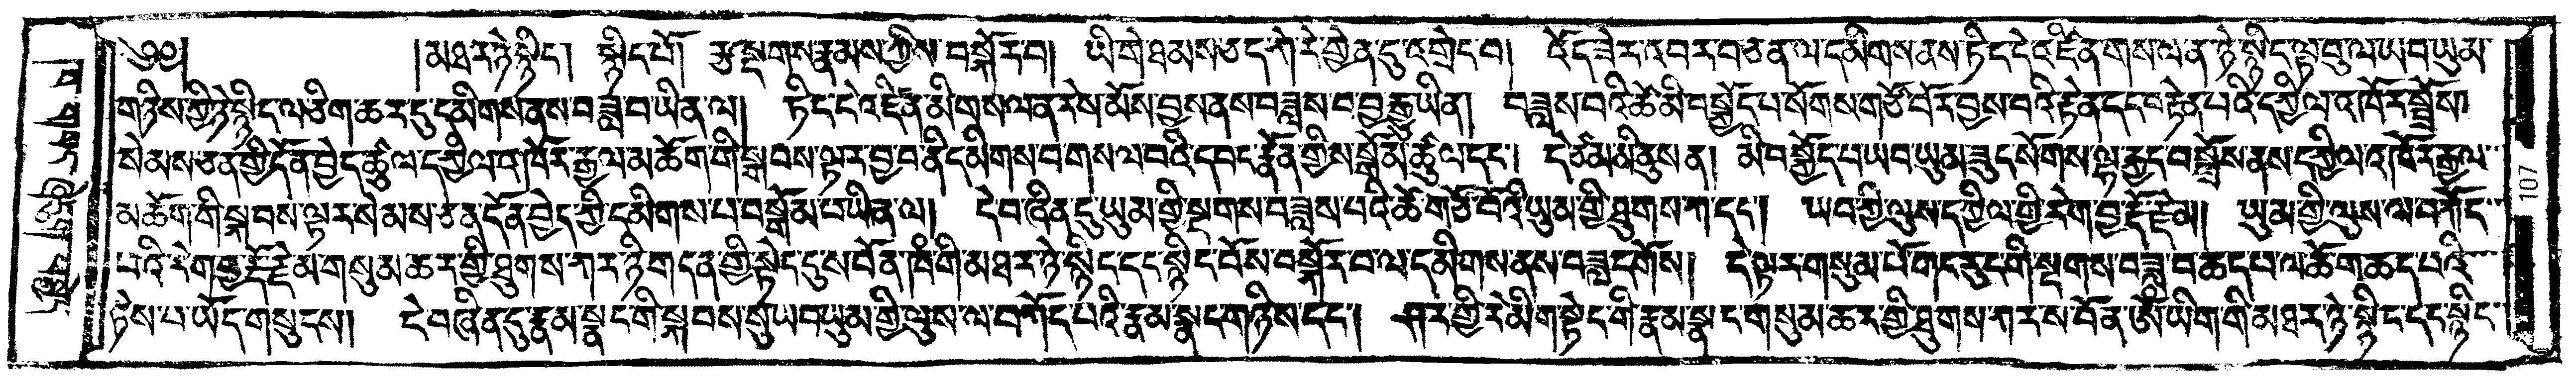༄༅། །མཐར་ཉེ་སྙིང་། སྙིང་པོ། རྩ་སྔགས་རྣམས་ཀྱིས་བསྐོར་བ། ཡི་གེ་ཐམས་ཅད་ཀེ་རེ་གྱེན་དུ་འགྲེང་བ། འོད་ཟེར་འབར་བ་ཅན་ལ་དམིགས་ནས་ཏིང་ངེ་འཛིན་གསལ་ན་ཉེ་སྙིང་ལྟ་བུ་ལ་ཡབ་ཡུམ་
གཉིས་ཀྱི་ཉེ་སྙིང་ལ་ཅིག་ཆར་དུ་དམིགས་ནས་བཟླ་བ་ཡིན་ལ། ཏིང་ངེ་འཛིན་མི་གསལ་ན་རེས་མོས་བྱས་ནས་བཟླས་བ་བྱ་རྒྱུ་ཡིན། བཟླས་པའི་ཚེ་མི་བསྐྱོད་པ་སོགས་གཙོ་བོར་བྱས་པའི་རྟེན་དང་བརྟེན་པའི་དཀྱིལ་འཁོར་སྤྲོས།
སེམས་ཅན་གྱི་དོན་བྱེད་ཚུལ་དཀྱིལ་འཁོར་རྒྱལ་མཆོག་གི་སྐབས་ལྟར་བྱ་བ་ནི་དམིགས་བ་གསལ་བའི་དབང་རྣོན་གྱིས་སྒོམ་ཚུལ་དང་། དེ་ཙམ་མི་ནུས་ན། མི་བསྐྱོད་པ་ཡབ་ཡུམ་ཟུང་སོགས་ལྷ་རྐྱང་བསྒྲོས་ནས་དཀྱིལ་འཁོར་རྒྱལ་
མཆོག་གི་སྐབས་ལྟར་སེམས་ཅན་དོན་བྱེད་ཀྱི་དམིགས་པ་བསྒོམ་པ་ཡིན་ལ། དེ་བཞིན་དུ་ཡུམ་གྱི་སྔགས་བཟླས་པའི་ཚེ་གཙོ་བོའི་ཡུམ་གྱི་ཐུགས་ཀ་དང་། ཡབ་ཀྱི་ལུས་དཀྱིལ་གྱི་རེག་བྱ་རྡོ་རྗེ་མ། ཡུམ་གྱི་ལུས་ལ་བཀོད་
པའི་རེག་བྱ་རྡོ་རྗེ་མ་གསུམ་ཆར་གྱི་ཐུགས་ཀར་ཉི་གདན་གྱི་སྟེང་དུ་ས་བོན་ཁཾ་གི་མཐར་ཉེ་སྙིང་དང་སྙིང་པོས་བསྐོར་བ་ལ་དམིགས་ནས་བཟླ་དགོས། དེ་ལྟར་གསུམ་པོ་གང་རུང་གི་སྔགས་བཟླ་འཆད་པ་ལ་ཆོ་ག་ཆད་པའི་
ཉེས་པ་ཡོད་གསུངས། དེ་བཞིན་དུ་རྣམ་སྣང་གི་སྐབས་སུ་ཡབ་ཡུམ་གྱི་ལུས་ལ་བཀོད་པའི་རྣམ་སྣང་གཉིས་དང་། ཤར་གྱི་རེ་མིག་སྟེང་གི་རྣམ་སྣང་གསུམ་ཆར་གྱི་ཐུགས་ཀར་ས་བོན་ཨོཾ་ཡིག་གི་མཐར་ཉེ་སྙིང་དང་སྙིང་